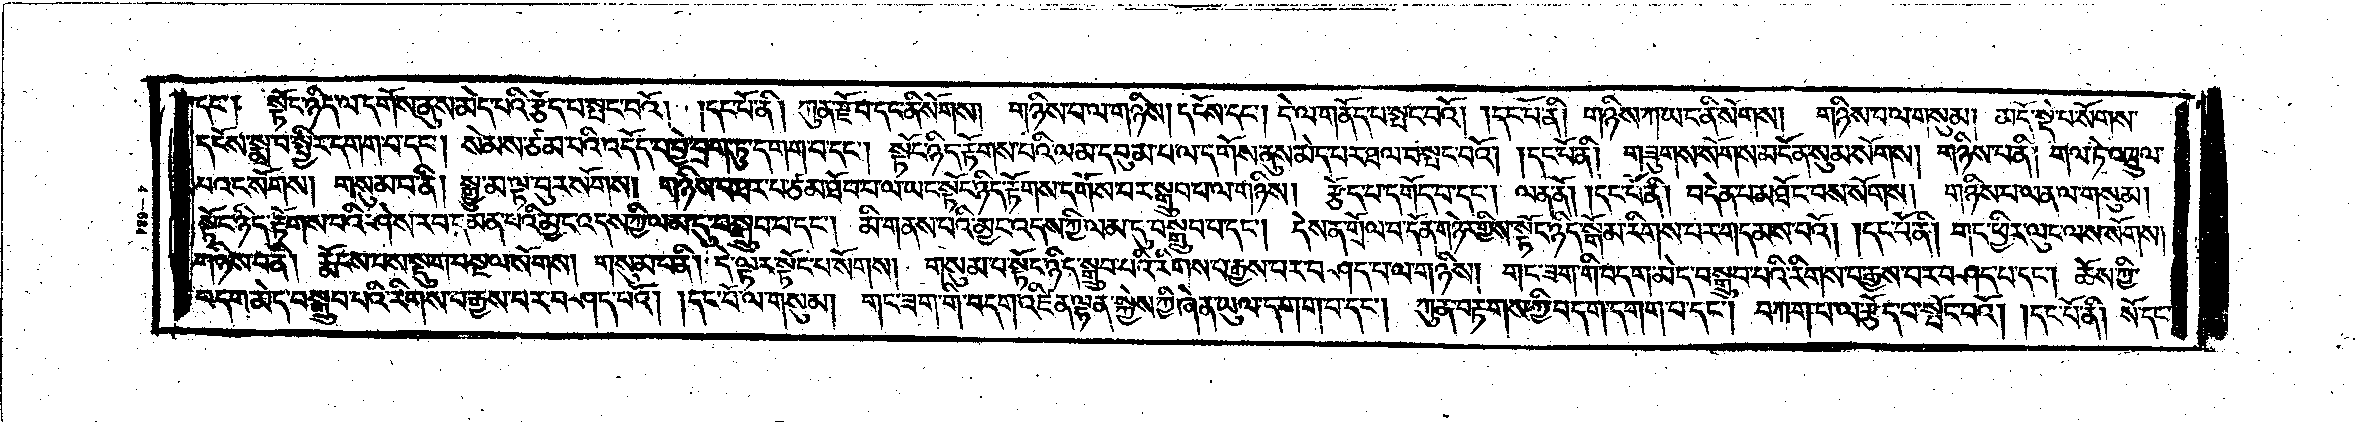དང་། སྟོང་ཉིད་ལ་དགོས་ནུས་མེད་པའི་རྩོད་པ་སྤང་བའོ། །དང་པོ་ནི། ཀུན་རྫོབ་དང་ནི་སོགས། གཉིས་པ་ལ་གཉིས། དངོས་དང་། དེ་ལ་གནོད་པ་སྤང་བའོ། །དང་པོ་ནི། གཉིས་ཀ་ཡང་ནི་སོགས། གཉིས་པ་ལ་གསུམ། མདོ་སྡེ་པ་སོགས་
དངོས་སྨྲ་བ་སྤྱིར་དགག་པ་དང་། སེམས་ཙམ་པའི་འདོད་པ་བྱེ་བྲག་ཏུ་དགག་པ་དང་། སྟོང་ཉིད་རྟོགས་པའི་ལམ་དབུ་མ་པ་ལ་དགོས་ནུས་མེད་པར་ཐལ་བ་སྤང་བའོ། །དང་པོ་ནི། གཟུགས་སོགས་མངོན་སུམ་སོགས། གཉིས་པ་ནི། གལ་ཏེ་འཁྲུལ་
པའང་སོགས། གསུམ་པ་ནི། སྒྱུ་མ་ལྟ་བུར་སོགས། གཉིས་པ་ཐར་པ་ཙམ་ཐོབ་པ་ལ་ཡང་སྟོང་ཉིད་རྟོགས་དགོས་པར་སྒྲུབ་པ་ལ་གཉིས། རྩོད་པ་དགོད་པ་དང་། ལན་ནོ། །དང་པོ་ནི། བདེན་པ་མཐོང་བས་སོགས། གཉིས་པ་ལན་ལ་གསུམ།
སྟོང་ཉིད་རྟོགས་པའི་ཤེས་རབ་དམན་པའི་མྱང་འདས་ཀྱི་ལམ་དུ་བསྒྲུབ་པ་དང་། མི་གནས་པའི་མྱང་འདས་ཀྱི་ལམ་དུ་བསྒྲུབ་པ་དང་། དེས་ན་གྲོལ་བ་དོན་གཉེར་གྱིས་སྟོང་ཉིད་སྒོ་མ་རིགས་པར་གདམས་པའོ། །དང་པོ་ནི། གང་ཕྱིར་ལུང་ལས་སོགས།
གཉིས་པ་ནི། རྨོངས་པས་སྡུག་བསྔལ་སོགས། གསུམ་པ་ནི། དེ་ལྟར་སྟོང་པ་སོགས། གསུམ་པ་སྟོང་ཉིད་སྒྲུབ་པའི་རིགས་པ་རྒྱས་པར་བཤད་པ་ལ་གཉིས། གང་ཟག་གི་བདག་མེད་བསྒྲུབ་པའི་རིགས་པ་རྒྱས་པར་བཤད་པ་དང་། ཆོས་ཀྱི་
བདག་མེད་བསྒྲུབ་པའི་རིགས་པ་རྒྱས་པར་བཤད་པའོ། །དང་པོ་ལ་གསུམ། གང་ཟག་གི་བདག་འཛིན་ལྷན་སྐྱེས་ཀྱི་ཞེན་ཡུལ་དགག་པ་དང་། ཀུན་བརྟགས་ཀྱི་བདག་དགག་པ་དང་། བཀག་པ་ལ་རྩོད་པ་སྤོང་བའོ། །དང་པོ་ནི། སོ་དང་